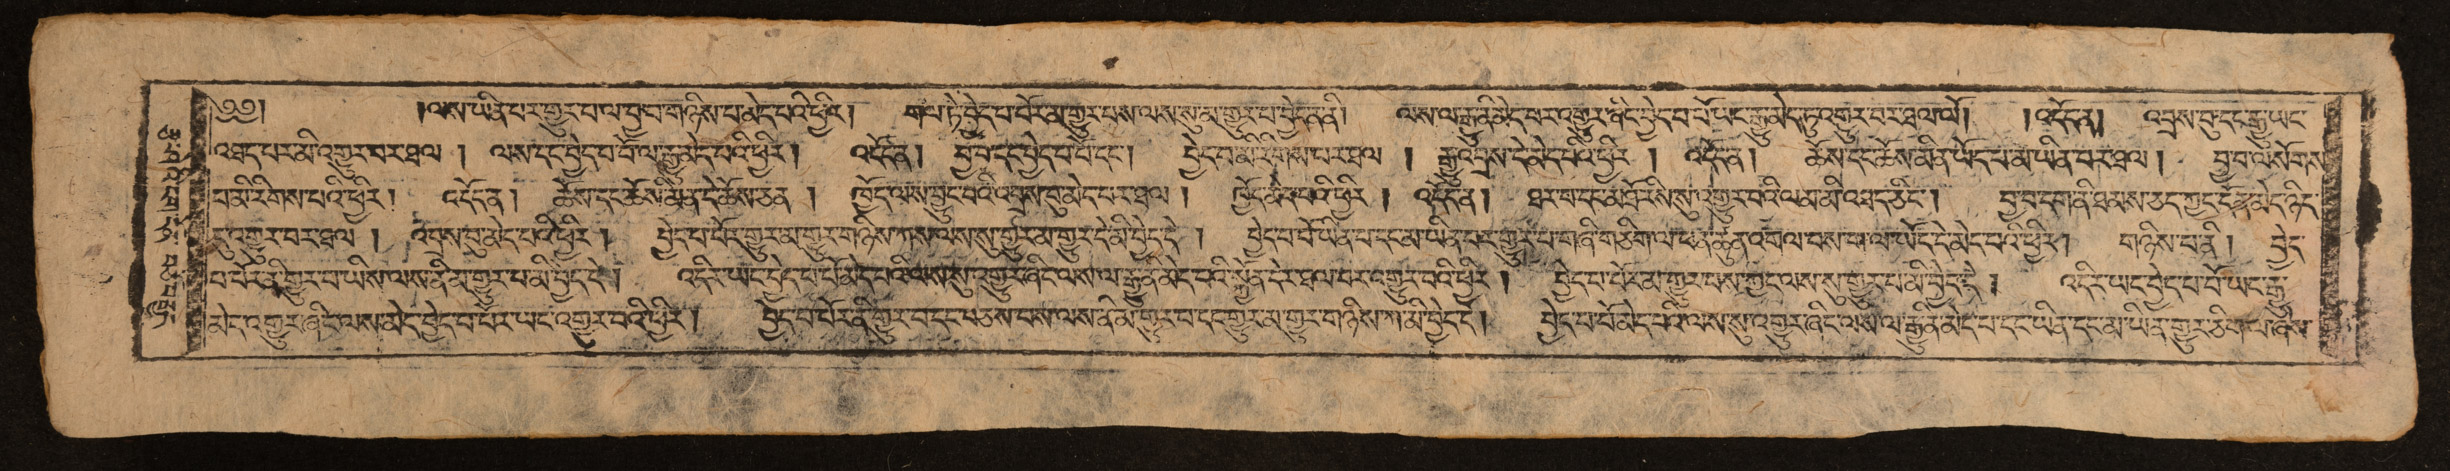༄༅། །ལས་ཡིན་པར་གྱུར་པ་ལ་བྱ་བ་གཉིས་པ་མེད་པའི་ཕྱིར། གལ་ཏེ་བྱེད་པ་པོར་མ་གྱུར་པས་ལས་སུ་མ་གྱུར་པ་བྱེད་ན་ནི། ལས་ལ་རྒྱུ་ནི་མེད་པར་འགྱུར་ཞིང་བྱེད་པ་པོ་ཡང་རྒྱུ་མེད་ཏུ་འགྱུར་བར་ཐལ་ལོ། །འདོད་ན། འབྲས་བུ་དང་རྒྱུ་ཡང་
འཐད་པར་མི་འགྱུར་བར་ཐལ། ལས་དང་བྱེད་པ་པོ་ལ་རྒྱུ་མེད་པའི་ཕྱིར། འདོད་ན། བྱ་བ་དང་བྱེད་པ་པོ་དང་། བྱེད་པ་མི་རིགས་པར་ཐལ། རྒྱུ་འབྲས་དེ་མེད་པའི་ཕྱིར། འདོད་ན། ཆོས་དང་ཆོས་མིན་ཡོད་པ་མ་ཡིན་པར་ཐལ། བྱ་བ་ལ་སོགས་
པ་མི་རིགས་པའི་ཕྱིར། འདོད་ན། ཆོས་དང་ཆོས་མིན་དེ་ཆོས་ཅན། ཁྱོད་ལས་བྱུང་བའི་འབྲས་བུ་མེད་པར་ཐལ། ཁྱོད་མེད་པའི་ཕྱིར། འདོད་ན། ཐར་བ་དང་མཐོ་རིས་སུ་འགྱུར་བའི་ལམ་མི་འཐད་ཅིང་། བྱ་བ་དག་ནི་ཐམས་ཅད་ཀྱང་དོན་མེད་ཉིད་
དུ་འགྱུར་བར་ཐལ། འབྲས་བུ་མེད་པའི་ཕྱིར། བྱེད་པ་པོར་གྱུར་མ་གྱུར་གཉིས་ཀས་ལས་སུ་གྱུར་མ་གྱུར་དེ་མི་བྱེད་དེ། བྱེད་པ་པོ་ཡིན་པ་དང་མ་ཡིན་པར་གྱུར་པ་གཞི་གཅིག་ལ་ཕན་ཚུན་འགལ་བས་གལ་ཡོད་དེ་མེད་པའི་ཕྱིར། གཉིས་པ་ནི། བྱེད་
པ་པོར་ནི་གྱུར་པ་ཡིས་ལས་ནི་མ་གྱུར་པ་མི་བྱེད་དེ། འདིར་ཡང་བྱེད་པ་པོ་མེད་པའི་ལས་སུ་འགྱུར་ཞིང་ལས་ལ་རྒྱུ་ནི་མེད་པའི་སྐྱོན་དེར་ཐལ་བར་འགྱུར་བའི་ཕྱིར། བྱེད་པ་པོར་མ་གྱུར་པས་ཀྱང་ལས་སུ་གྱུར་པ་མི་བྱེད་དེ། འདིར་ཡང་བྱེད་པ་པོ་ཡང་རྒྱུ་
མེད་འགྱུར་ཞིང་ལས་མེད་བྱེད་པ་པོར་ཡང་འགྱུར་བའི་ཕྱིར། བྱེད་པ་པོར་ནི་གྱུར་པ་དང་བཅས་པས་ལས་ནི་མ་གྱུར་པ་དང་གྱུར་མ་གྱུར་གཉིས་ཀ་མི་བྱེད་དེ། བྱེད་པ་པོ་མེད་པའི་ལས་སུ་འགྱུར་ཞིང་ལས་ལ་རྒྱུ་ནི་མེད་པ་དང་ཡིན་དང་མ་ཡིན་གྱུར་ཅིག་ལ་ཞེས་